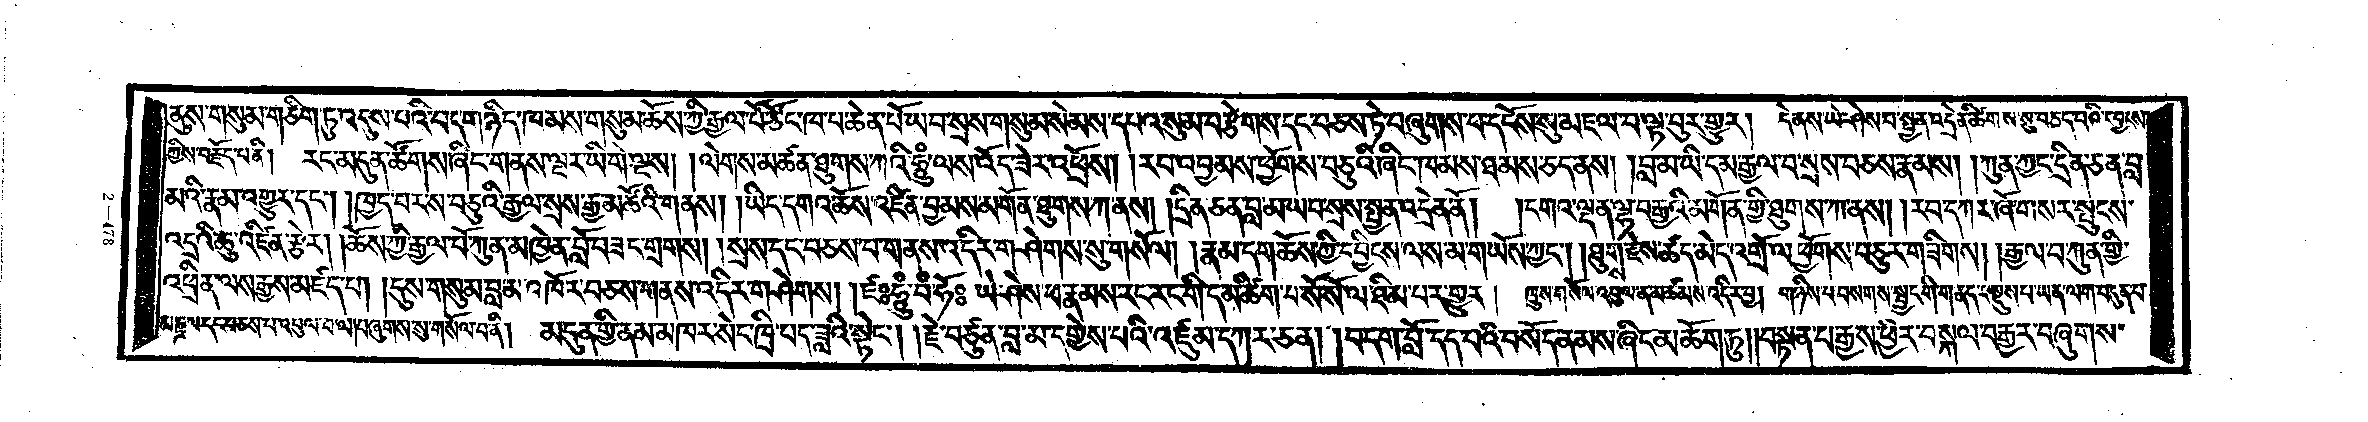ནུས་གསུམ་གཅིག་ཏུ་འདུས་པའི་བདག་ཉིད་ཁམས་གསུམ་ཆོས་ཀྱི་རྒྱལ་པོ་ཙོང་ཁ་པ་ཆེན་པོ་ཡབ་སྲས་གསུམ་སེམས་དཔའ་སུམ་བརྩེགས་དང་བཅས་ཏེ་བཞུགས་པ་དངོས་སུ་མཇལ་བ་ལྟ་བུར་གྱུར། དེ་ནས་ཡེ་ཤེས་པ་སྤྱན་འདྲེན་ཚིགས་སུ་བཅད་པའི་དབྱངས་
ཀྱིས་བརྗོད་པ་ནི། རང་མདུན་ཚོགས་ཞིང་གནས་ལྔར་ཡི་གེ་ལྔས། །ལེགས་མཚན་ཐུགས་ཀའི་ཧཱུཾ་ལས་འོད་ཟེར་འཕྲོས། །རབ་འབྱམས་ཕྱོགས་བཅུའི་ཞིང་ཁམས་ཐམས་ཅད་ནས། །བླ་མ་ཡི་དམ་རྒྱལ་བ་སྲས་བཅས་རྣམས། །ཀུན་ཀྱང་དྲིན་ཅན་བླ་
མའི་རྣམ་འགྱུར་དང་། །ཁྱད་པར་ས་བཅུའི་རྒྱལ་སྲས་རྒྱ་མཚོའི་གནས། །ཡིད་དགའ་ཆོས་འཛིན་བྱམས་མགོན་ཐུགས་ཀ་ནས། །དྲིན་ཅན་བླ་མ་ཡབ་སྲས་སྤྱན་འདྲེན་ནོ། །དགའ་ལྡན་ལྷ་བརྒྱའི་མགོན་གྱི་ཐུགས་ཀ་ནས། །རབ་དཀར་ཞོ་གསར་སྤུངས་
འདྲའི་ཆུ་འཛིན་རྩེར། །ཆོས་ཀྱི་རྒྱལ་པོ་ཀུན་མཁྱེན་བློ་བཟང་གྲགས། །སྲས་དང་བཅས་པ་གནས་འདིར་གཤེགས་སུ་གསོལ། །རྣམ་དག་ཆོས་ཀྱི་དབྱིངས་ལས་མ་གཡོས་ཀྱང་། །ཐུགས་རྗེས་ཚད་མེད་འགྲོ་ལ་ཕྱོགས་བཅུར་གཟིགས། །རྒྱལ་བ་ཀུན་གྱི་
འཕྲིན་ལས་རྒྱས་མཛད་པ། །དུས་གསུམ་བླ་མ་འཁོར་བཅས་གནས་འདིར་གཤེགས། །ཛཿཧཱུཾ་བཾ་ཧོཿ ཡེ་ཤེས་ཕ་རྣམས་རང་རང་གི་དམ་ཚིག་པ་སོ་སོ་ལ་ཐིམ་པར་གྱུར། ཁྲུས་གསོལ་འབུལ་ན་མཚམས་འདིར་བྱ། གཉིས་པ་བསགས་སྦྱང་གི་གནད་སྡུག་པ་ཡན་ལག་བདུན་པ་
མཎྜལ་དང་བཅས་པ་འབུལ་བ་ལ། བཞུགས་སུ་གསོལ་བ་ནི། མདུན་གྱི་ནམ་མཁར་སེང་ཁྲི་པད་ཟླའི་སྟེང་། །རྗེ་བཙུན་བླ་མ་དགྱེས་པའི་འཛུམ་དཀར་ཅན། །བདག་བློ་དད་བའི་བསོད་ནམས་ཞིང་མཆོག་ཏུ། །བསྟན་པ་རྒྱས་ཕྱིར་བསྐལ་བརྒྱར་བཞུགས་